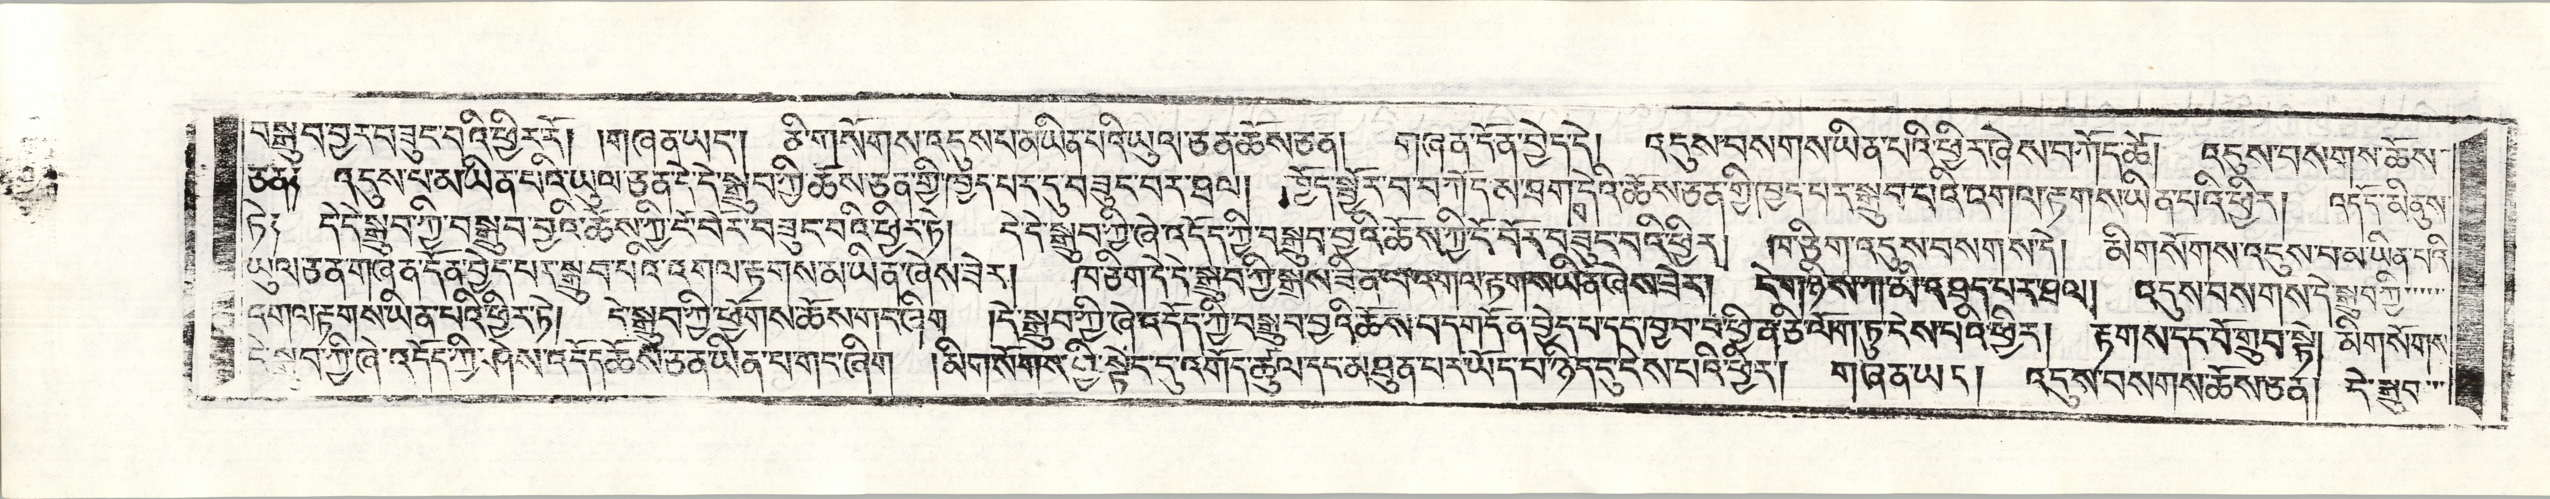བསྒྲུབ་བྱར་བཟུང་བའི་ཕྱིར་རོ། །གཞན་ཡང་། མིག་སོགས་འདུས་པ་མ་ཡིན་པའི་ཡུལ་ཅན་ཆོས་ཅན། གཞན་དོན་བྱེད་དེ། འདུས་བསགས་ཡིན་པའི་ཕྱིར་ཞེས་བཀོད་ཚེ། འདུས་བསགས་ཆོས་
ཅན། འདུས་པ་མ་ཡིན་པའི་ཡུལ་ཅན་དེ་དེ་སྒྲུབ་ཀྱི་ཆོས་ཅན་གྱི་ཁྱད་པར་དུ་བཟུང་བར་ཐལ། ཁྱོད་སྦྱོར་བ་བཀོད་མ་ཐག་དེའི་ཆོས་ཅན་གྱི་ཁྱད་པར་སྒྲུབ་པའི་འགལ་རྟགས་ཡིན་པའི་ཕྱིར། འདོད་མི་ནུས་
ཏེ། དེ་དེ་སྒྲུབ་ཀྱི་བསྒྲུབ་བྱའི་ཆོས་ཀྱི་ངོ་བོར་བཟུང་བའི་ཕྱིར་ཏེ། དེ་དེ་སྒྲུབ་ཀྱི་ཞེ་འདོད་ཀྱི་བསྒྲུབ་བྱའི་ཆོས་ཀྱི་ངོ་བོར་བཟུང་བའི་ཕྱིར། ཁ་ཅིག །འདུས་བསགས་ཏེ། མིག་སོགས་འདུས་པ་མ་ཡིན་པའི་
ཡུལ་ཅན་གཞན་དོན་བྱེད་པར་སྒྲུབ་པའི་འགལ་རྟགས་མ་ཡིན་ཞེས་ཟེར། ཁ་ཅིག །དེ་དེ་སྒྲུབ་ཀྱི་སྒྲས་ཟིན་ལ་འགལ་རྟགས་ཡིན་ཞེས་ཟེར། དེ་གཉིས་ཀ་མི་འཐད་པར་ཐལ། འདུས་བསགས་དེ་སྒྲུབ་ཀྱི་
འགལ་རྟགས་ཡིན་པའི་ཕྱིར་ཏེ། དེ་སྒྲུབ་ཀྱི་ཕྱོགས་ཆོས་གང་ཞིག །དེ་སྒྲུབ་ཀྱི་ཞེ་འདོད་ཀྱི་བསྒྲུབ་བྱའི་ཆོས་བདག་དོན་བྱེད་པ་དང་ཁྱབ་པ་ཕྱིན་ཅི་ལོག་ཏུ་ངེས་པའི་ཕྱིར། རྟགས་དང་པོ་གྲུབ་སྟེ། མིག་སོགས་
དེ་སྒྲུབ་ཀྱི་ཞེ་འདོད་ཀྱི་ཤེས་འདོད་ཆོས་ཅན་ཡིན་པ་གང་ཞིག །མིག་སོགས་གྱི་སྟེང་དུ་འགོད་ཚུལ་དང་མཐུན་པར་ཡོད་པ་ཉིད་དུ་ངེས་པའི་ཕྱིར། གཞན་ཡང་། འདུས་བསགས་ཆོས་ཅན། དེ་སྒྲུབ་